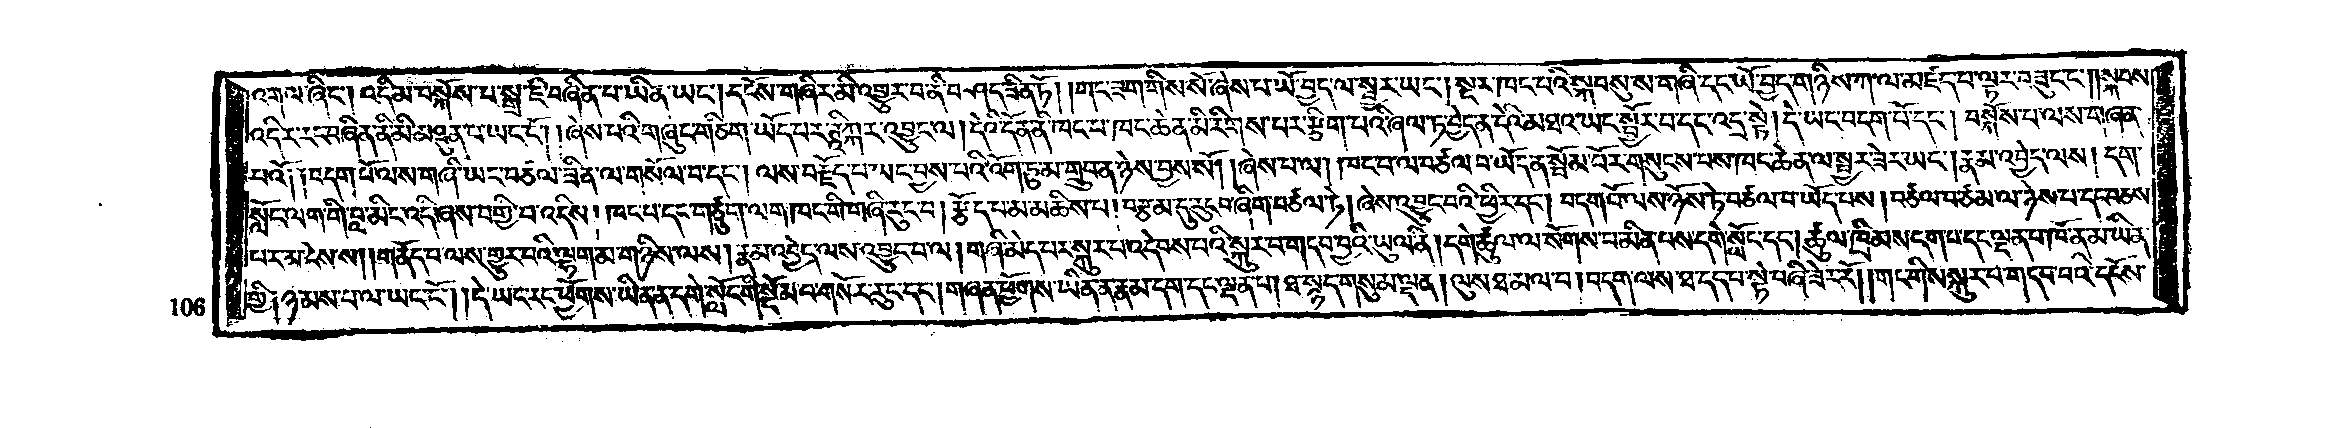འགལ་ཞིང་། འདི་མ་བསྐོས་པ་སྒྲ་ཇི་བཞིན་པ་ཡིན་ཡང་། དངོས་གཞིར་མི་འགྱུར་བ་ནི་བཤད་ཟིན་ཏོ། །གང་ཟག་གིས་སོ་ཞེས་པ་ཡོ་བྱད་ལ་སྦྱར་ཡང་། སྔར་ཁང་པའི་སྐབས་སུ་ས་གཞི་དང་ཡོ་བྱད་གཉིས་ཀ་ལ་མཛད་པ་ལྟར་བཟུང་ངོ། །སྐབས་
འདིར་རང་བཞིན་ནི་མི་མཐུན་པ་ཡང་ངོ། །ཞེས་པའི་གཞུང་གཅིག་ཡོད་པར་ཊཱིཀྐར་འབྱུང་ལ། དེའི་དོན་ནི་ཁང་པ་ཁང་ཆེན་མི་རིགས་པར་རྩིག་པའི་ཞལ་ཏ་བྱེད་ན་དེའི་མཐའ་ཡང་སྤྱོར་བ་དང་འདྲ་སྟེ། དེ་ཡང་བདག་པོ་དང་། བསྐོས་པ་ལས་གཞན་
པའོ། །བདག་པོ་ལས་གཞི་ཡང་བཙལ་ཟིན་ལ་གསོལ་བ་དང་། ལས་བརྗོད་པ་ཡང་བྱས་པའི་འོག་ཏུ་མ་གྲུབ་ན་ཉེས་བྱས་སོ། །ཞེས་པ་ལ། ཁང་པ་ལ་བཙལ་བ་ཡོད་ན་སྦོམ་པོར་གསུངས་པས་ཁང་ཆེན་ལ་སྦྱར་ཟེར་ཡང་། རྣམ་འབྱེད་ལས། དགེ་
སློང་ལག་གི་བླ་མིང་འདི་ཞས་བགྱི་བ་འདིས། ཁང་པ་དང་གཙུག་ལག་ཁང་གི་གཞི་རུང་བ། རྩོད་པ་མ་མཆིས་པ། བརྩམ་དུ་རུང་བ་ཞིག་བཙལ་ཏེ། ཞེས་འབྱུང་བའི་ཕྱིར་དང་། བདག་པོ་ལས་ཉོས་ཏེ་བཙལ་བ་ཡོད་པས། བཙལ་བ་ཙམ་ལ་ཉེས་པ་དང་བཅས་
པར་མ་ངེས་སོ། །གནོད་པ་ལས་གྱུར་པའི་ལྷག་མ་གཉིས་ལས། རྣམ་འབྱེད་ལས་འབྱུང་བ་ལ། གཞི་མེད་པར་སྐུར་པ་འདེབས་པའི་སྐུར་བ་གདབ་བྱའི་ཡུལ་ནི། དགེ་ཚུལ་ལ་སོགས་པ་མིན་པས་དགེ་སློང་དང་། ཚུལ་ཁྲིམས་དག་པ་དང་ལྡན་པ་ཁོ་ན་མ་ཡིན་
གྱི༑ ཉམས་པ་ལ་ཡང་ངོ། །དེ་ཡང་རང་ཕྱོགས་ཡིན་ན་དགེ་སློང་གི་སྡོམ་པ་གསོར་རུང་དང་། གཞན་ཕྱོགས་ཡིན་ན་རྣམ་དག་དང་ལྡན་པ། ཐ་སྙད་གསུམ་ལྡན། ལུས་ཐ་མལ་པ། བདག་ལས་ཐ་དད་པ་སྟེ་བཞེ་ཟེར་རོ། །གང་གིས་སྐུར་པ་གདབ་པའི་དངོས་